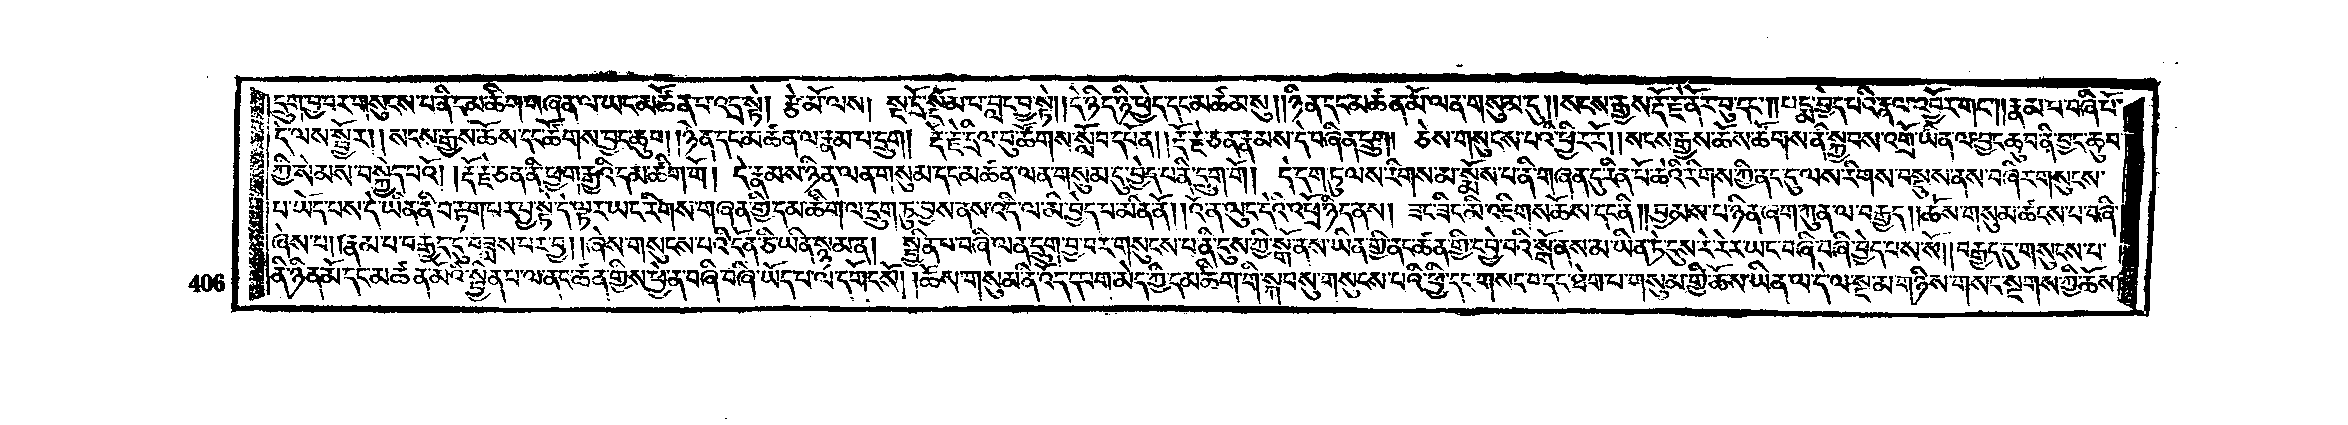དྲུག་བྱ་བར་གསུངས་པ་ནི་དམ་ཚིག་གཞན་ལ་ཡང་མཚོན་པ་འདྲ་སྟེ། རྩེ་མོ་ལས། སྔ་དྲོ་སྡོམ་པ་བླང་བྱ་སྟེ། །དེ་ཉིད་ཉི་ཕྱེད་དང་མཚམས་སུ། །ཉིན་དང་མཚན་མོ་ལན་གསུམ་དུ། །སངས་རྒྱས་རྡོ་རྗེ་ནོར་བུ་དང་། །པདམ་བྱེད་པའི་རྣལ་འབྱོར་གང་། །རྣམ་པ་བཞི་པོ་
དེ་ལས་སྦྱོར། །སངས་རྒྱས་ཆོས་དང་ཚོགས་བྱང་ཆུབ། །ཉེན་དང་མཚན་ལ་རྣམ་པ་དྲུག། རྡོ་རྗེ་དྲིལ་བུ་ཚོགས་སློབ་དཔོན། །རྡོ་རྗེ་ཅན་རྣམས་དེ་བཞིན་དྲུག། ཅེས་གསུངས་པའི་ཕྱིར་རོ། །སངས་རྒྱས་ཆོས་ཚོགས་ནི་སྐྱབས་འགྲོ་ཡིན་ལ་བྱང་ཆུབ་ནི་བྱང་ཆུབ་ཀྱི་སེམས་བསྐྱེད་པའོ། །རྡོ་རྗེ་ཅན་ནི་ཕྱག་རྒྱའི་དམ་ཚིག་གོ། དེ་རྣམས་ཉིན་ལན་གསུམ་དང་མཚན་ལན་གསུམ་དུ་བྱེད་པ་ནི་དྲུག་གོ། དེ་དག་ཏུ་ལས་རིགས་མ་སྨོས་པ་ནི་གཞན་དུ་རིན་པོ་ཆེའི་རིགས་ཀྱི་ནང་དུ་ལས་རིགས་བསྡུས་ནས་བཞིར་གསུངས་
པ་ཡོད་པས་དེ་ཡིན་ནི་བ་རྟག་པར་བྱ་སྟེ་དེ་ལྟར་ཡང་རིགས་གཞན་གྱི་དམ་ཚིག་ལ་དྲུག་ཏུ་བྱས་ནས་འདི་ལ་མི་བྱེད་པ་མིན་ནོ། །འོ་ན་ལུང་དེའི་འཕྲོ་ཉིད་ནས། ཟང་ཟིང་མི་འཇིགས་ཆོས་དང་ནི། །བྱམས་པ་ཉིན་ཞག་ཀུན་ལ་བརྒྱད། །ཆོས་གསུམ་ཚངས་པ་བཞི་
ཞེས་པ། །རྣམ་པ་བརྒྱད་དུ་བཟླས་པར་བྱ། །ཞེས་གསུངས་པའི་དོན་ཅི་ཡིན་སྙམ་ན། སྦྱིན་པ་བཞི་ལན་དྲུག་བྱ་བར་གསུངས་པ་ནི་དུས་ཀྱི་སྒོ་ནས་ཡིན་གྱི་ནང་ཚན་གྱི་དབྱེ་བའི་སྒོ་ནས་མ་ཡིན་ཏེ་དུས་རེ་རེར་ཡང་བཞི་བཞི་བྱེད་པས་སོ། །བརྒྱད་དུ་གསུངས་པ་
ནི་ཉིན་མོ་དང་མཚན་མོའི་སྦྱིན་པ་ལ་ནང་ཚན་གྱིས་ཕྱེ་ན་བཞི་བཞི་ཡོད་པ་ལ་དགོངས་སོ། །ཆོས་གསུམ་ནི་འོད་དཔག་མེད་ཀྱི་དམ་ཚིག་གི་སྐབས་སུ་གསུངས་པའི་ཕྱི་དང་གསང་བ་དང་ཐེག་པ་གསུམ་གྱི་ཆོས་ཡིན་ལ་དེ་ལ་སྔ་མ་གཉིས་གསང་སྔགས་ཀྱི་ཆོས་